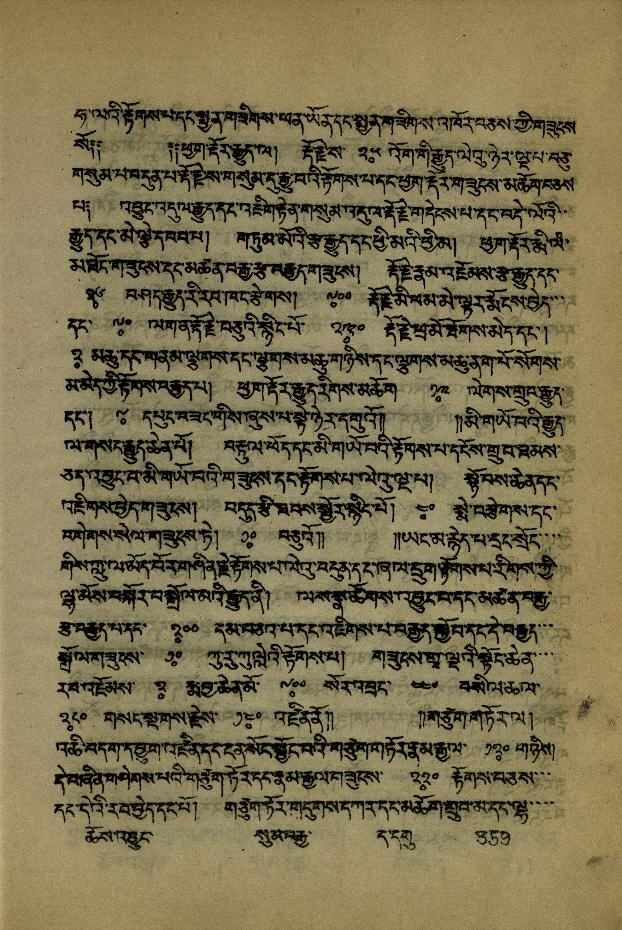ཧ་ལའི་རྟོགས་པ་དང་སྤྱན་གཟིགས་ཕན་ཡོན་དང་སྤྱན་གཟིགས་འཁོར་བཅས་ཀྱི་གཟུངས་
སོ༑༑ ༑༑ཕྱག་རྡོར་རྒྱུད་ལ། རྡོ་རྗེས ༢༥་འོག་གི་རྒྱུད་ལེའུ་ཉེར་ལྔ་པ་བཅུ་
གསུམ་པ་བདུན་པ་རྡོ་རྗེས་གསུམ་དུ་རྒྱུ་པའི་རྟོགས་པ་དང་ཕྱག་རྡོར་གཟུངས་མཆོག་བཅས་
པ༑ འབྱུང་འདུལ་རྒྱུད་དང་འཇིག་རྟེན་གསུམ་འདུལ་རྡོ་རྗེ་གདེངས་པ་དང་བདེ་ལོའི་
རྒྱུད་དང་མེ་ལྕེ་དབབ་པ། གཏུམ་མོའི་རྩ་རྒྱུད་དང་ཕྱི་མའི་ཕྱི་མ། ཕྱག་རྡོར་རྨི་ལཾ་
མཐོང་གཟུངས་དང་མཚན་བརྒྱ་རྩ་བརྒྱད་གཟུངས། །རྡོ་རྗེ་རྣམ་འཇོམས་རྩ་རྒྱུད་དང་
༢༦་བཤད་རྒྱུད་རི་རབ་ཁང་རྩེགས། ༧༠༠་རྡོ་རྗེ་མི་ཕ་མ་མེ་ལྟར་རྨོངས་བྱེད་
དང ༧༠་ལག་ན་རྡོ་རྗེ་བཅུའི་སྙིང་པོ ༢༣༠་རྡོ་རྗེ་ཕྲ་མོ་ཐོགས་མེད་དང་།
༢་མཆུ་དང་གནམ་ལྕགས་དང་ལྕགས་མཆུ་གཉིས་དང་ལྕགས་མཆུ་ནག་པོ་སོགས་
མ་མེད་ཀྱི་རྟོགས་བརྒྱད་པ། ཕྱག་རྡོར་རྒྱུད་རིགས་མཆོག །༡༣་ལེགས་གྲུབ་རྒྱུད་
དང་། ༧་དཔུང་བཟང་གིས་ཞུས་པ་སྟེ་ཉེར་དགུའོ།། །།མི་གཡོ་བའི་རྒྱུད་
ལ་གསང་རྒྱུད་ཆེན་པོ། བརྡུལ་ཕྱོད་དང་མི་གཡོ་བའི་རྟོགས་པ་དངོས་གྲུབ་ཐམས་
ཅད་འབྱུང་བ་མི་གཡོ་བའི་གཟུངས་དང་རྟོགས་པ་ལེའུ་ལྔ་པ། སྟོབས་ཆེན་དང་
འཇིགས་བྱེད་གཟུངས། བདུད་རྩི་ཐབས་སྤྱོར་སྙིང་པོ། ༤༠་སྨེ་བརྩེགས་དང་
བགེགས་སེལ་གཟུངས་ཏེ། ༡༠་བཅུའོ།། །།ཡང་མ་རྙེད་པ་དྲང་སྲོང་
གིས་ཀླུ་ལ་མདོ་བོར་གཤིན་རྗེ་རྟོགས་པ་ལེའུ་བདུན་དང་ཞལ་དྲུག་རྟོགས་པ་རིགས་ཀྱི་
ལྷ་མོས་བསྐོར་བསྒྲོལ་མའི་རྒྱུད་ནི། ལས་སྣ་ཚོགས་འབྱུང་བ་དང་མཚན་བརྒྱ་
རྩ་བརྒྱད་པ་དང ༢༠༠་དམ་བཅའ་པ་དང་འཇིགས་པ་བརྒྱད་སྐྱོབ་དང་དེ་བརྒྱད་
སྒྲོལ་གཟུངས ༡༠་ཀུ་རུ་ཀུ་ལླེའི་རྟོགས་པ། གཟུངས་གྲྭ་ལྔའི་སྟོང་ཆེན་
རབ་འཇོམས ༢་རྨ་བྱ་ཆེན་མོ ༧༠༠་སོར་འབྲང ༤༤༠་བསིལ་ཆལ་
༢༨༠་གསང་སྔགས་རྗེས ༡༤༠་འཛིན་ནོ།། །།གཙུག་གཏོར་ལ།
འཆི་བདག་ད་བྱུག་འཛིན་དང་ངན་སོང་སྐྱོང་བའི་གཙུག་གཏོར་རྣམ་རྒྱལ ༡༢༠་གཉིས།
དེ་བཞིན་གཤེགས་པའི་གཙུག་ཏོར་དང་རྣམ་རྒྱལ་གཟུངས། ༢༢༠་རྟོགས་བཅས་
དང་དེའི་རབ་བྱེད་དང་པོ་གཙུག་ཏོར་གདུགས་དཀར་དང་མཆོག་གྲུབ་།མ་དང་ལྷ་